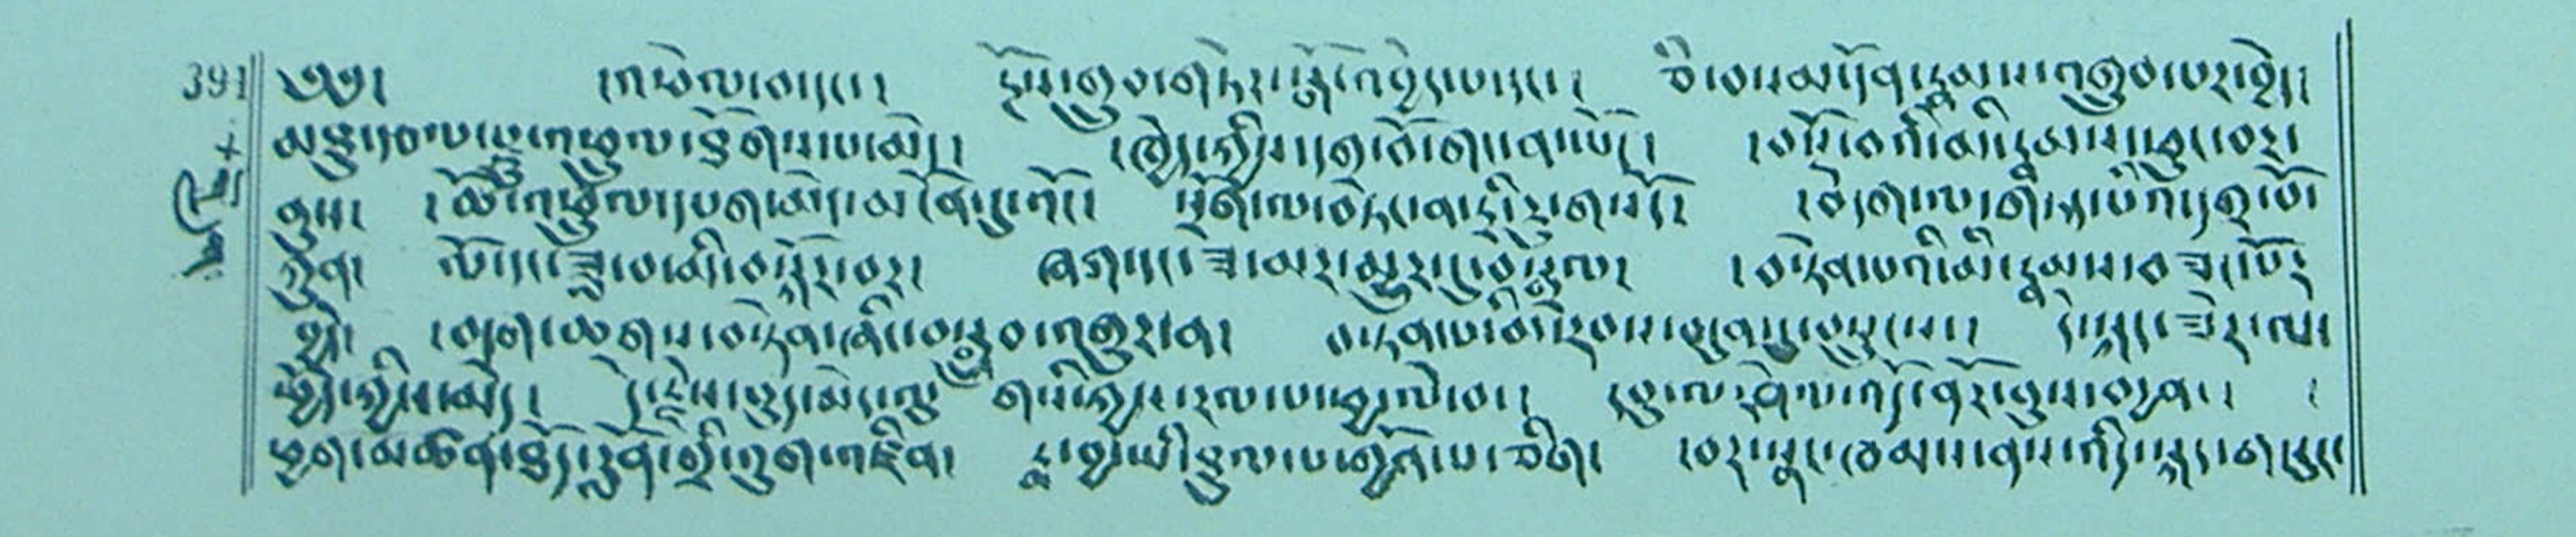༄༅། །འཕེལ་བ་དང་། དངོས་གྲུབ་གཏེར་སྒོ་འབྱེད་པ་དང་། ཅི་བསམ་དོན་རྣམས་འགྲུབ་པར་བྱེད། 
མཐུ་རྩལ་རྫུ་འཕྲུལ་ཐོགས་པ་མེད། ཁྱེད་ཀྱི་དགྲ་བོ་གང་ན་ཡོད། བསྡོ་བའི་མི་རྣམས་ཕུང་བར་
ནུས། ཆོ་འཕྲུལ་དཔག་མེད་མངོན་དུ་འོང་། སྲོག་ལ་བཏང་ན་གྲི་རུ་གསོད། བདག་ལ་གཏད་པའི་དགྲ་བོ་
ཀུན། ལོ་དང་ཟླ་བ་མི་བསྐོར་བར། ཞག་དང་ཟ་མར་མྱུར་དུ་བསྒྲལ། བསྟེན་པའི་མི་རྣམས་བཟང་བོར་
བྱེད། བདག་ཅག་བསྟེན་ཞིང་བསྒྲུབ་གྱུར་ན། བསྟན་པ་མི་རབས་བདུན་དུ་བསྲུངས། དེ་སྐད་ཟེར་ནས་
ཕྱོད་ཀྱིས་མེད། དེ་རྗེས་བུད་མེད་ལྕགས་ཀྱི་རལ་བ་ཕྱ་ལེ་བ། དབུ་ལ་ཤེལ་འོད་ནོར་བུས་བརྒྱན། 
ཕྱག་མཚན་ཐོད་རློན་གྲི་འུག་འཛིན། རྨ་བྱ་ཡི་ཐུལ་བ་གྱོན་པ་གཅིག། བར་སྣང་ཁམས་ནས་འདི་སྐད་གསུངས།